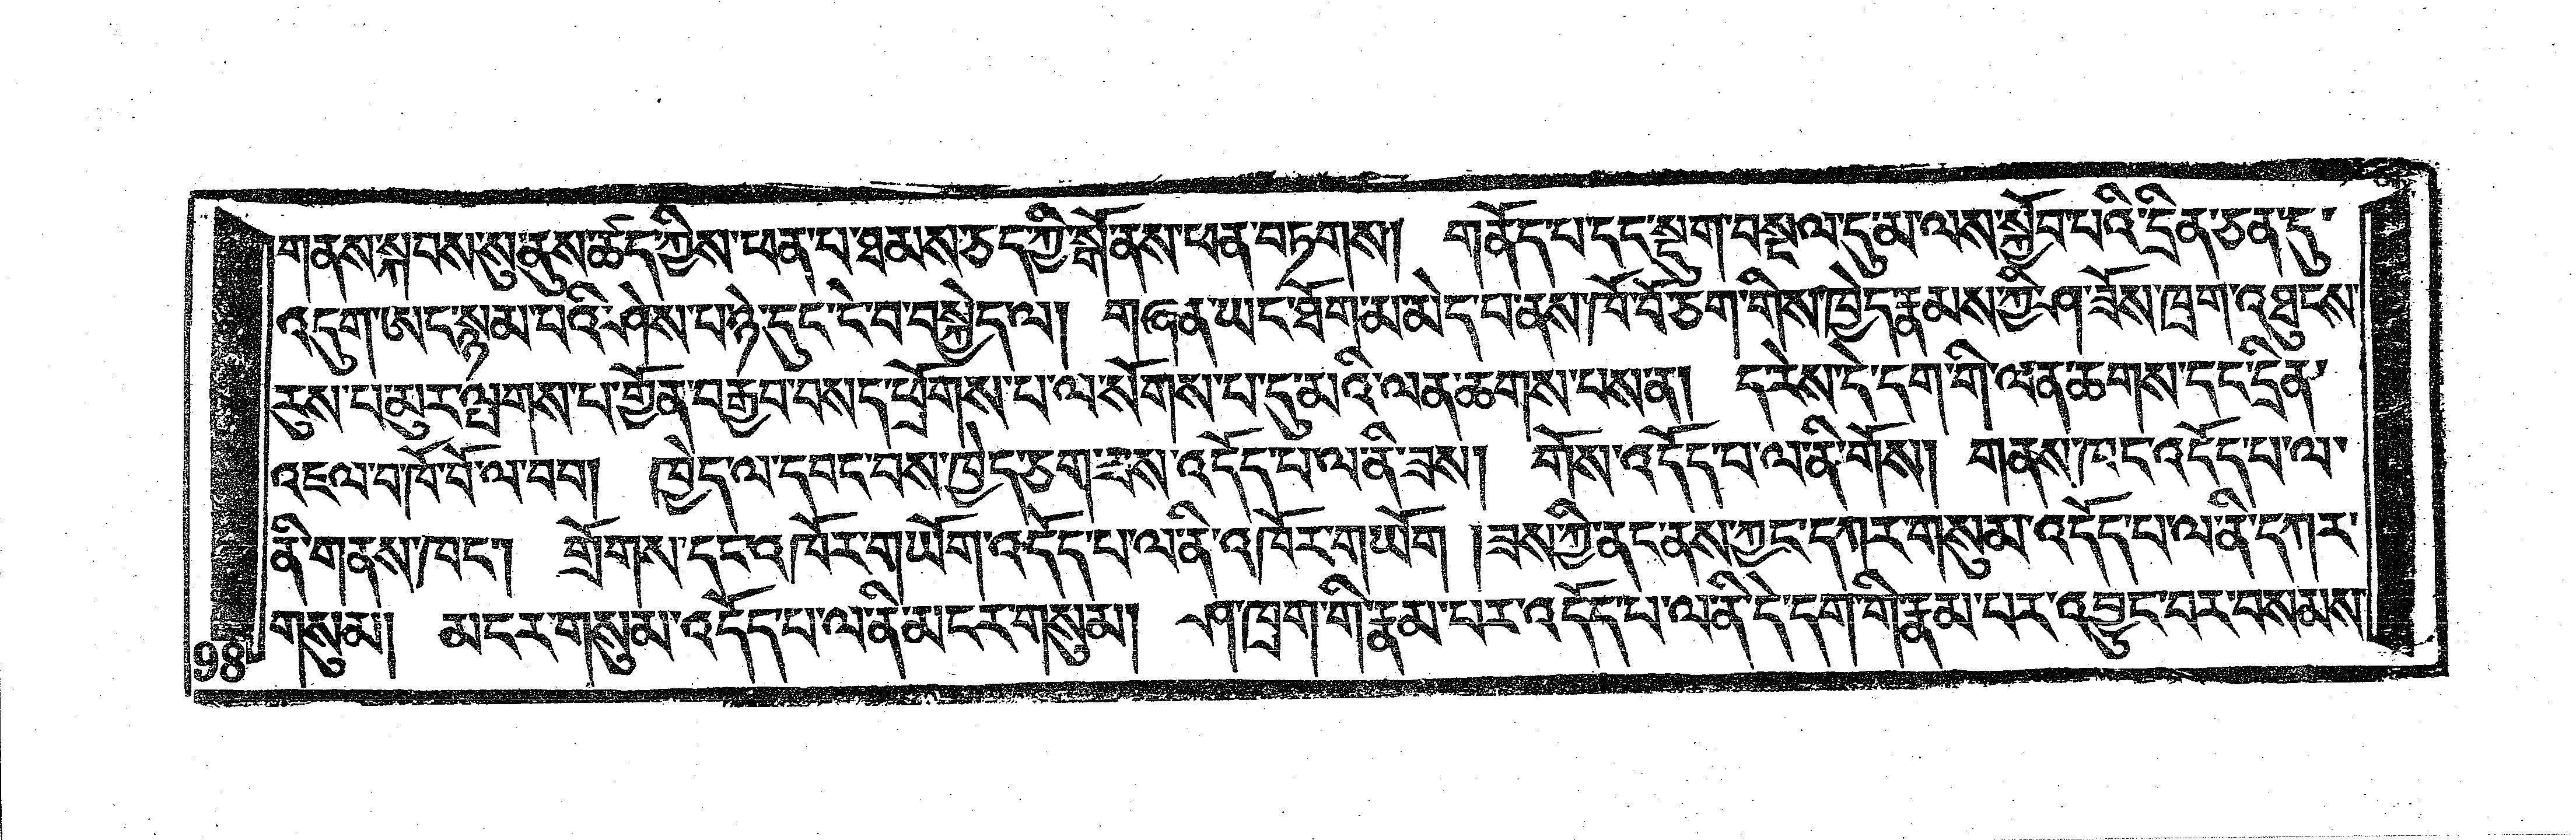གནས་སྐབས་སུ་ནུས་ཚད་ཀྱིས་ཕན་པ་ཐམས་ཅད་ཀྱི་སྒོ་ནས་ཕན་བཏགས། གནོད་པ་དང་སྡུག་བསྔལ་དུ་མ་ལས་སྐྱོབ་པའི་དྲིན་ཅན་དུ་
འདུག་ཨང་སྙམ་པའི་ཤེས་པ་ཉེ་དུང་ངེ་བ་བསྐྱེད་ལ། གཞན་ཡང་ཐོག་མ་མེད་པ་ནས་ཁོ་བོ་ཅག་གིས་ཁྱེད་རྣམས་ཀྱི་ཤ་ཟོས་ཁྲག་འཐུངས་
རུས་པ་མུར་ལྤགས་པ་གྱོན་བརྒྱབ་བསད་ཕྲོགས་པ་ལ་སོགས་པ་དུ་མའི་ལན་ཆགས་པས་ན། ད་རེས་དེ་དག་གི་ལན་ཆགས་དང་དྲིན་
འཇལ་བ་ཁོ་བོ་ལ་བབ། ཁྱེད་ལ་དབང་བས་ཁྱེད་ཅག་ཟས་འདོད་པ་ལ་ནི་ཟས། གོས་འདོད་པ་ལ་ནི་གོས། གནས་ཁང་འདོད་པ་ལ་
ནི་གནས་ཁང་། གྲོགས་དང་འཁོར་གཡོག་འདོད་པ་ལ་ནི་འཁོར་གཡོག །ཟས་ཀྱི་ནང་ནས་ཀྱང་དཀར་གསུམ་འདོད་པ་ལ་ནི་དཀར་
གསུམ། མངར་གསུམ་འདོད་པ་ལ་ནི་མངར་གསུམ། ཤ་ཁྲག་གི་རྣམ་པར་འདོད་པ་ལ་ནི་དེ་དག་གི་རྣམ་པར་འབྱུང་བར་བསམས་